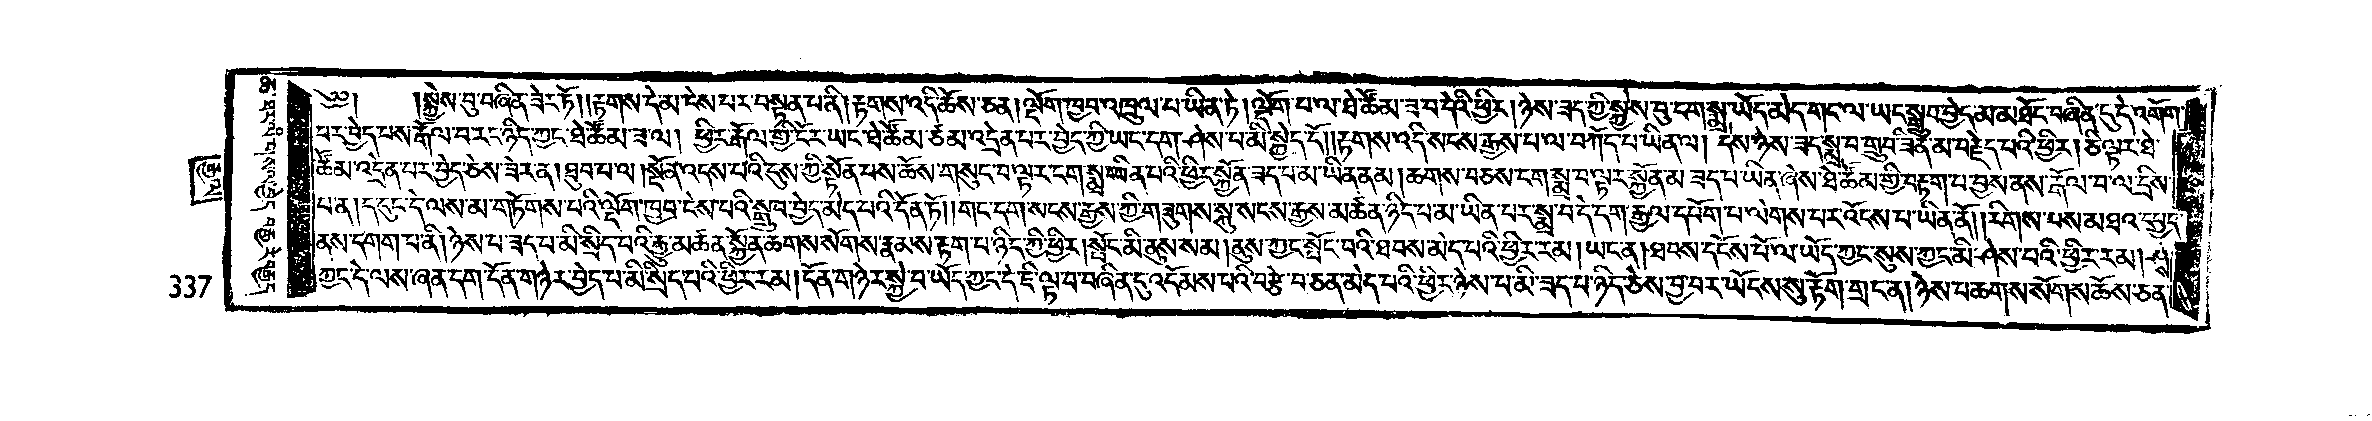༄༅། །སྐྱེས་བུ་བཞིན་ཟེར་ཏོ། །རྟགས་དེ་མ་ངེས་པར་བསྟན་པ་ནི། རྟགས་འདི་ཆོས་ཅན། ལྡོག་ཁྱབ་འཁྲུལ་པ་ཡིན་ཏེ། ལྡོག་པ་ལ་ཐེ་ཚོམ་ཟ་བ་དེའི་ཕྱིར། ཉེས་ཟད་ཀྱི་སྐྱེས་བུ་ངག་སྨྲ་ཡོད་མེད་གང་ལ་ཡང་སྒྲུབ་བྱེད་མ་མཐོང་བཞིན་དུ་དེ་འགོག་
པར་བྱེད་པས་རྒོལ་བ་རང་ཉིད་ཀྱང་ཐེ་ཚོམ་ཟ་ལ། ཕྱིར་རྒོལ་གྱི་ངོར་ཡང་ཐེ་ཚོམ་ཙམ་འདྲེན་པར་བྱེད་ཀྱི་ཡང་དག་ཤེས་པ་མི་སྐྱེད་དོ། །རྟགས་འདི་སངས་རྒྱས་པ་ལ་བཀོད་པ་ཡིན་ལ། དེས་ཉེས་ཟད་སྨྲ་བ་གྲུབ་ཟིན་མ་བརྗེད་པའི་ཕྱིར། ཅི་ལྟར་ཐེ་
ཚོམ་འདྲེན་པར་བྱེད་ཅེས་ཟེར་ན། ཐུབ་པ་ལ་།སྔོན་འདས་པའི་དུས་ཀྱི་སྟོན་པས་ཆོས་གསུང་བ་ལྟར་ངག་སྨྲ་ཡིན་པའི་ཕྱིར་སྐྱོན་ཟད་པ་མ་ཡིན་ནམ་།ཆགས་བཅས་ངག་སྨྲ་བ་ལྟར་སྐྱོན་མ་ཟད་པ་ཡིན་ཞེས་ཐེ་ཚོམ་གྱི་བརྟག་པ་བྱས་ནས་རྒོལ་བ་ལ་དྲིས་
པ་ན། ད་དུང་དེ་ལས་མ་གཏོགས་པའི་ལྡོག་ཁྱབ་ངེས་པའི་སྒྲུབ་བྱེད་མེད་པའི་དོན་ཏོ། །གང་དག་སངས་རྒྱས་ཀྱི་གཟུགས་སྐུ་སངས་རྒྱས་མཚན་ཉིད་པ་མ་ཡིན་པར་སྨྲ་བ་དེ་དག་རྒྱལ་དཔོག་པ་ལེགས་པར་འོངས་པ་ཡིན་ནོ། །རིགས་པས་མཐའ་དཔྱད་
ནས་དགག་པ་ནི། ཉེས་པ་ཟད་པ་མི་སྲིད་པའི་རྒྱུ་མཚན་སྐྱོན་ཆགས་སོགས་རྣམས་རྟག་པ་ཉིད་ཀྱི་ཕྱིར། སྤོང་མི་ནུས་སམ། ནུས་ཀྱང་སྤོང་བའི་ཐབས་མེད་པའི་ཕྱིར་རམ། ཡང་ན། ཐབས་དངོས་པོ་ལ་ཡོད་ཀྱང་སུས་ཀྱང་མི་ཤེས་པའི་ཕྱིར་རམ། ཤེས་
ཀྱང་དེ་ལས་ཞན་དག་དོན་གཉེར་བྱེད་པ་མི་སྲིད་པའི་ཕྱིར་རམ། དོན་གཉེར་སྐྱེ་བ་ཡོད་ཀྱང་དེ་ཇི་ལྟ་བ་བཞིན་དུ་འདོམས་པའི་བརྩེ་བ་ཅན་མེད་པའི་ཕྱིར་ཉེས་པ་མི་ཟད་པ་ཉིད་ཅེས་བྱ་བར་ཡོངས་སུ་རྟོག་གྲང་ན། ཉེས་པ་ཆགས་སོགས་ཆོས་ཅན།